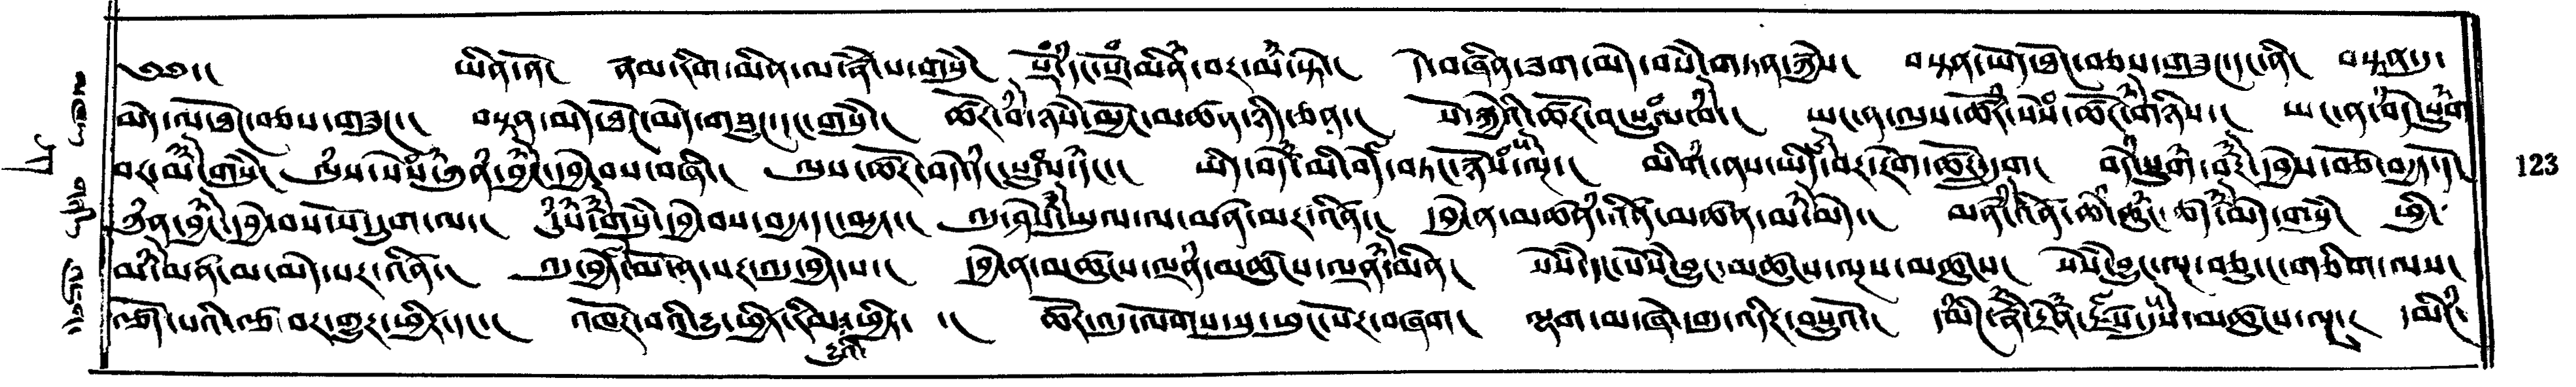ཡིན་ནོ། །རྣམ་རིག་མིན་ལ་རྣམ་པ་གསུམ། །སྡོམ་དང་སྡོམ་མིན་བར་མ་སྟེ། །དེ་བཞིན་ཟག་མེད་བསམ་གཏན་སྐྱེས། །བསྟན་ཡོད་ཐོགས་བཅས་གཟུགས་དང་ནི། །བསྟན་དུ་
མེད་ལ་ཐོགས་བཅས་གཟུགས། །བསྟན་མེད་ཐོགས་མེད་གཟུགས་དང་གསུམ། །ཚོར་བ་ཉམས་མྱོང་མཚན་ཉིད་ཅན། །སོ་སྐྱེའི་ཚོར་བ་སྡུག་བསྔལ་བ། །ཡང་ན་ལུས་ཚོར་སེམས་ཚོར་གཉིས། །ཡང་ན་བདེ་སྡུག་
བར་མ་གསུམ། །ལུས་སེམས་ཀུན་བྱང་དབྱེ་བས་བཞི། །ལུས་ཚོར་བདེ་དང་སྡུག་བསྔལ་དང་། །ཡིད་བདེ་མི་བདེ་བཏང་སྙོམས་ལྔ། །མིག་ནས་ཡིད་བར་རེག་ཚོར་དྲུག །བདེ་སྡུག་བར་དབྱེས་བཅོ་བརྒྱད་དོ། །
ཀུན་བྱང་དབྱེ་བས་སོ་དྲུག་ལ། །དུས་གསུམ་དབྱེ་བས་བརྒྱ་དང་བརྒྱད། །འདུ་ཤེས་ཡུལ་ལ་མཚན་མར་འཛིན། །དབྱེ་ན་མཚན་འཛིན་མཚན་མ་མེད། །མཚན་འཛིན་ཆེ་ཆུང་ཚད་མེད་གསུམ། །ཕྱི་
མ་མཚན་མ་མེད་པར་འཛིན། །འདུ་བྱེད་མངོན་པར་འདུ་བྱེད་པ། །དབྱེ་ན་མཚུངས་ལྡན་མཚུངས་ལྡན་མིན། །སེམས་དང་སེམས་བྱུང་མཚུངས་ལྔས་མཚུངས། །སེམས་བྱུང་ལྔ་བཅུ་ང་གཅིག་ལས། །
རྩོད་པའི་རྩ་བར་གྱུར་ཕྱིར་དང་། །འཁོར་བའི་རྒྱུ་ཕྱིར་རིམ་རྒྱུའི་ཕྱིར། །ཚོར་འདུ་ལོགས་སུ་ཕུང་པོར་བཞག།ལྷག་མ་ཞེ་དགུ་འདིར་བསྡུའོ། །དམིགས་རྣམ་རྟེན་རྫས་དུས་མཚུངས་ལྔ། །དམིགས་